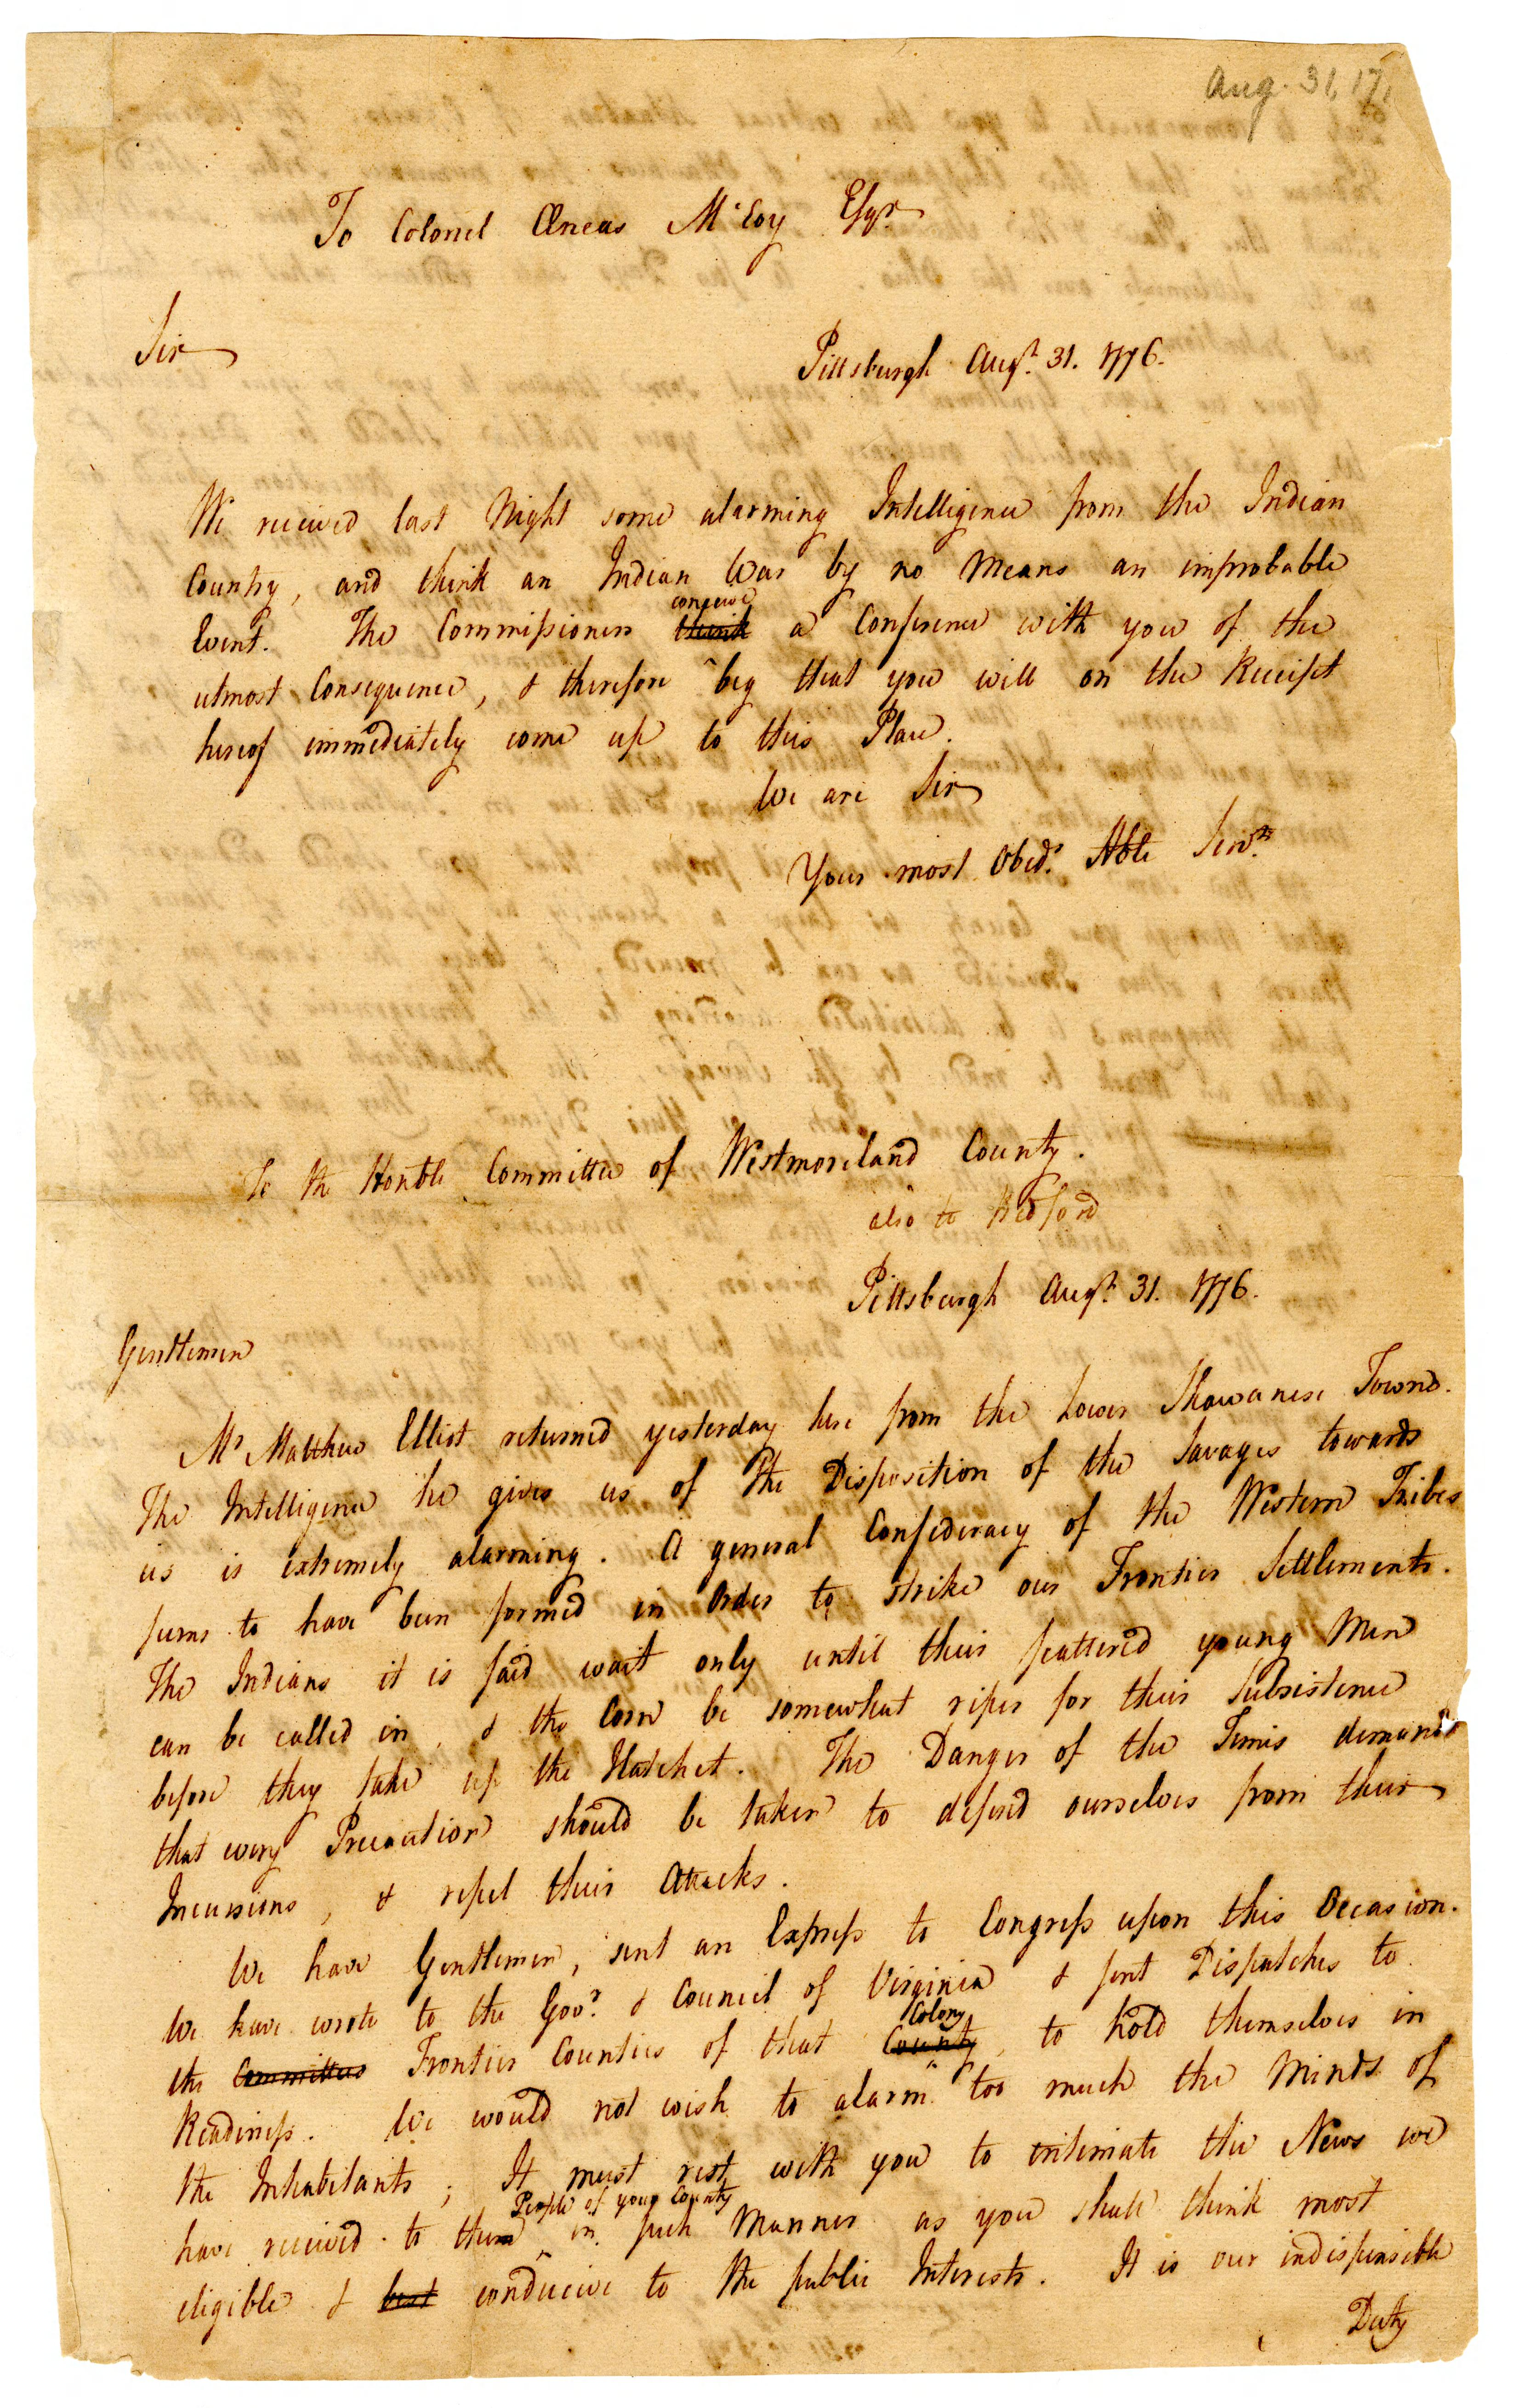To Colonel Aneas M^cCoy Esq^r.
Sir
Pittsburgh Aug^t. 31. 1776.
We received last Night some alarming Intelligence from the Indian
Country, and think an Indian War by no means an improbable
conceive
event. The Commissioners [think] ^ a Conference with you of the
utmost Consequence, & therefore beg that you will on the Receipt
hereof immediately come up to this Place.
We are Sir
Your most Obed^t. Hble Serv^t.
To the Honble Committee of Westmoreland County.
also to Bedford
Pittsburgh Aug^t. 31. 1776.
Gentlemen
M^r Matthew Elliot returned yesterday here from the Lower Shawanese Towns.
The Intelligence he gives us of the Disposition of the Savages towards
us is Extremely alarming. A general Confederacy of the Western Tribes
turns to have been formed in order to strike our Frontier Settlements.
The Indians it is said wait only until their feattered young Men
can be called in & the corn be somewhat riper for their Subsistence
before they take up the Hatchet. The Danger of the Times demand
that every Precaution should be taken to defend ourselves from their
Incursions, & repel their Attacks.
We have Gentlemen, sent an Express to Congress upon this Occasion.
We have wrote to the Gov^r. & Council of Virginia & sent Dispatches to
Colony
the [Committees] Frontier Counties of that [County] ^ to hold themselves in
Readiness. We would not wish to alarm too much the minds of
the Inhabitants; It must rest with you to intimate the News we
People of your County
have received to them ^ in such Manner as you shall think most
eligible & [best] conducive to the public Interests. It is our indispensible
Duty